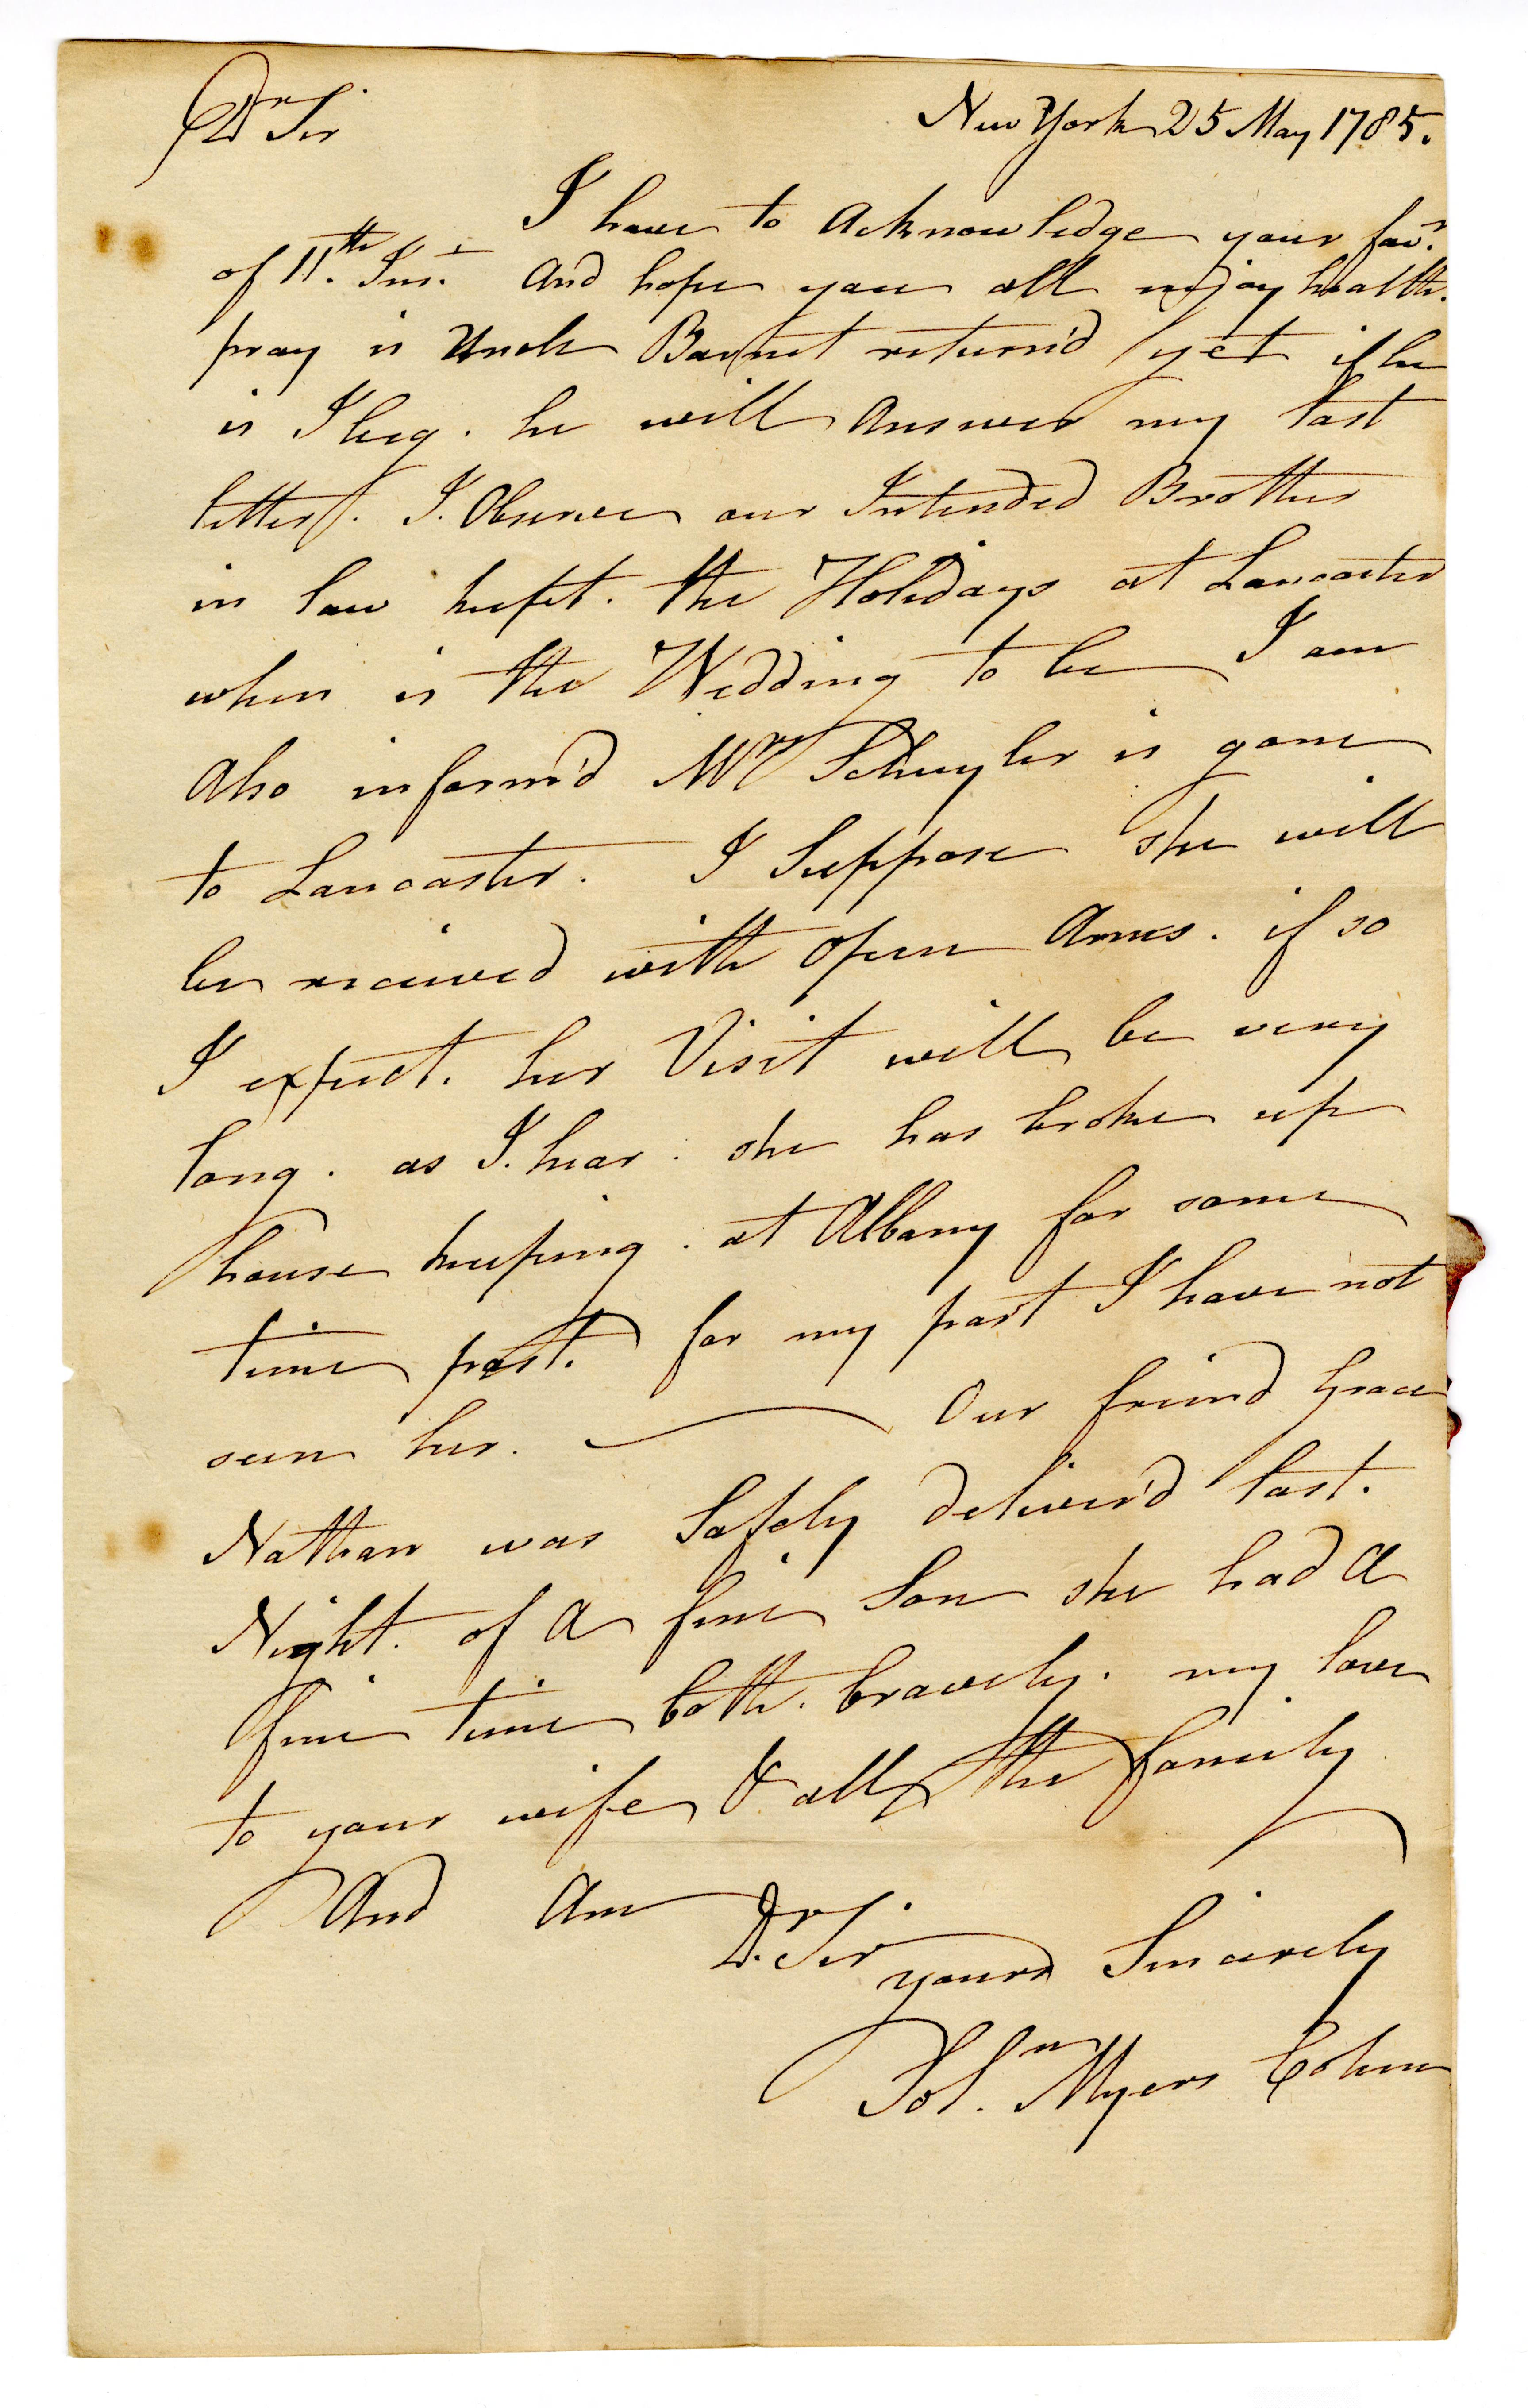New York 25 May 1785.
D^r. Sir
I have to acknowledge your fav^r.
of 11^th. Ins^t. and hope you all enjoy health
pray is Uncle Barnard return'd yet if he
is I beg. he will answer my last
letter. I Observe our Intended Brother
in law kept. the Holidays at Lancaster
when is the Wedding to be- I am
also inform'd M^rs Schuyler is gone
to Lancaster. I Suppose she will
be received with open Arms. if so
I expect her Visit will be very
long. as I hear she has broke up
house hunting at Albany for some
time past. for my part I have not
seen her.- Our friend Grace
Nathan was Safely deliever'd last.
Night of A fine Son she had a
fine Time both bravely. my love
to your wife & all the family
and am
D^r Sir
yours Sincerely
Sol^n. Myers Cohen